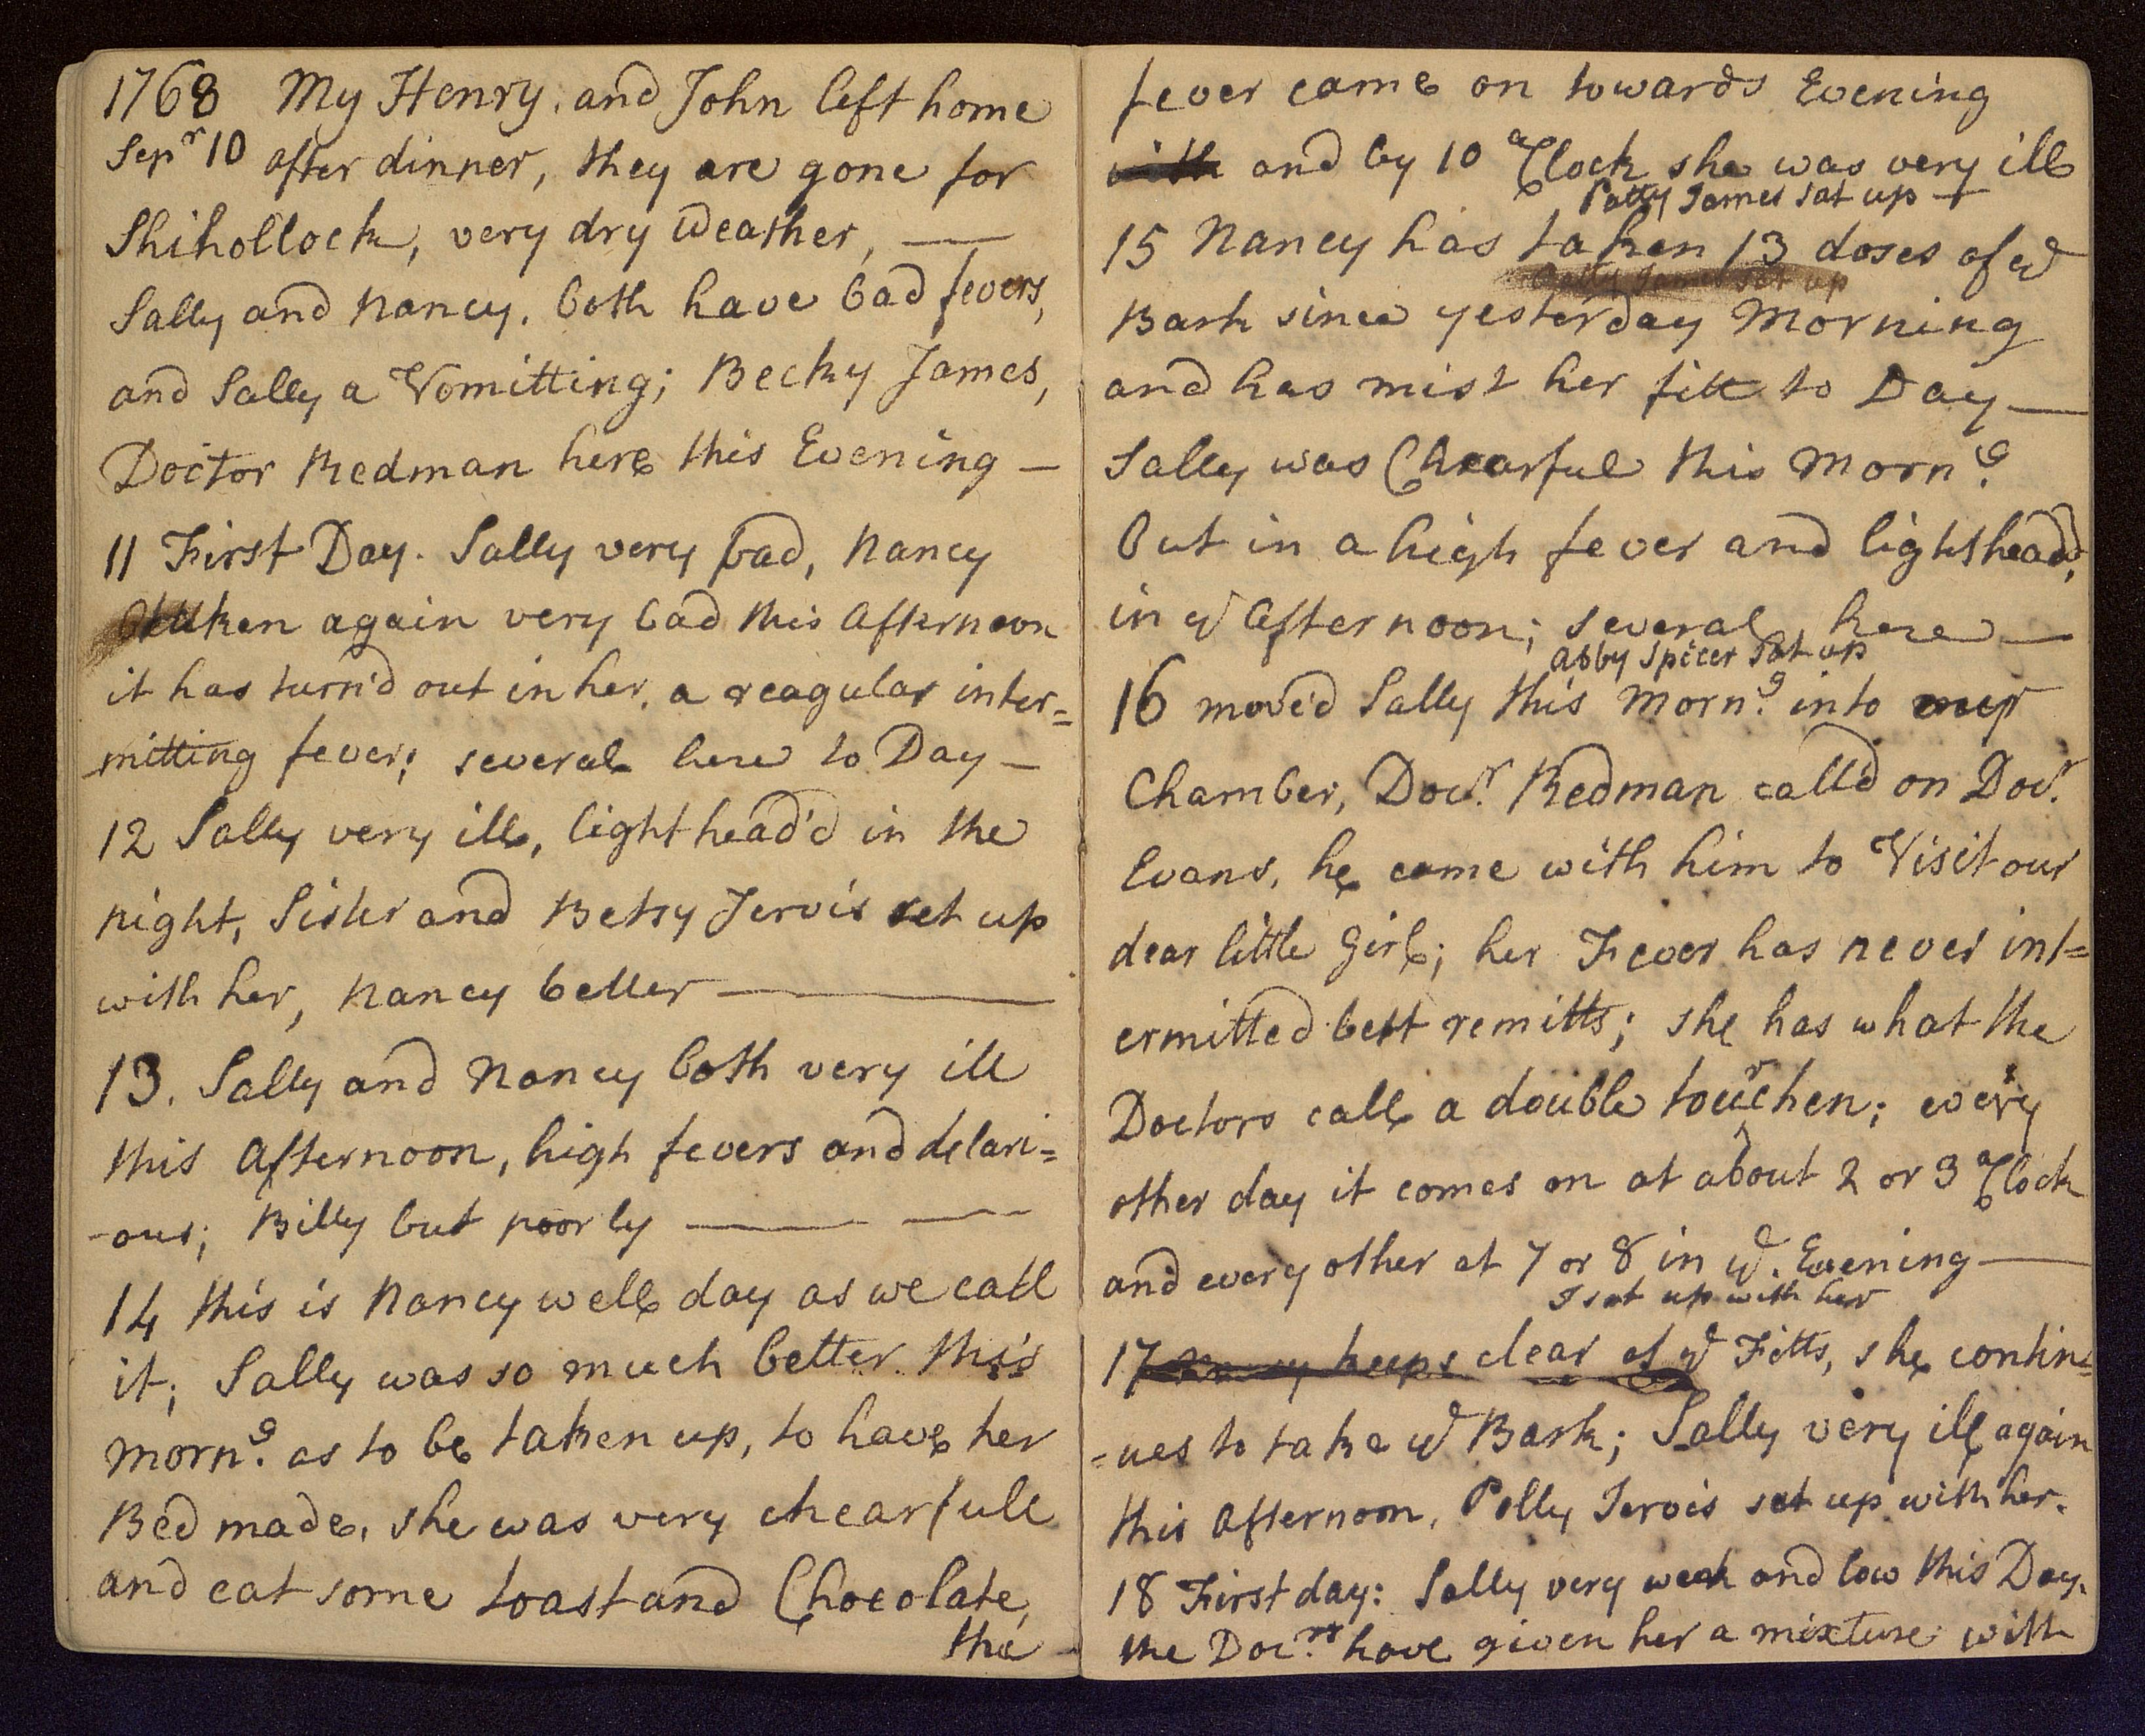1768 My Henry, and John left home
Sep^r 10 after dinner, they are gone for
Shihollock, very dry weather-
Sally and Nancy, both have bad fevers,
and Sally a Vomitting; Becky James,
Doctor Redman here this Evening-
11 First Day. Sally very bad, Nancy
taken again very bad this Afternoon
it has turn'd out in her a reagular inter-
mitting fever; several here to Day-
12 sally very ill, lighthead'd in the
night, Sister and Betsy Jervis set up
with her, Nancy better-
13. Sally and Nancy both very ill
this Afternoon, high fevers and delari-
-ous; Billy but poorly-
14 this is Nancy well day as we call
it; Sally was so much better this
morn^g. as to be taken up, to have her
Bed made, she was very chearfull
and eat some toast and Chocolate,
thee
fever came on towards Evening
[with] and by 10 ^o Clock she was very ill
Patty James sat up -
15 Nancy has taken 13 doses of y^e
[Patty James set up]
Bark since yesterday Morning
and has mist her fitt to Day-
Sally was Chearful this Morn^g.
But in a high fever and lightheadd,
in y^e afternoon; several, here-
Abby Spicer Sat up
16 move'd Sally this morn^g into [___]
Chamber, Doc^r Redman call'd on Doc^r
Evans, he came with him to Visit our
dear little Girl; her Fever has never int-
ermitted bett remitts; she has what the
Doctors call a double tou^rchen; every
other day it comes on at about 2 or 3 ^oClock
and every other at 7 or 8 in y^e. Evening-
I sat up with her
17 [____] [keeps] clear of y^e Fitts, she contin-
-ues to take y^e Bark; Sally very ill again
this Afternoon, Polly Jervis sat up with her.
18 First day: Sally very weak and low this Day.
the Dor^rs. have given her a mixture with